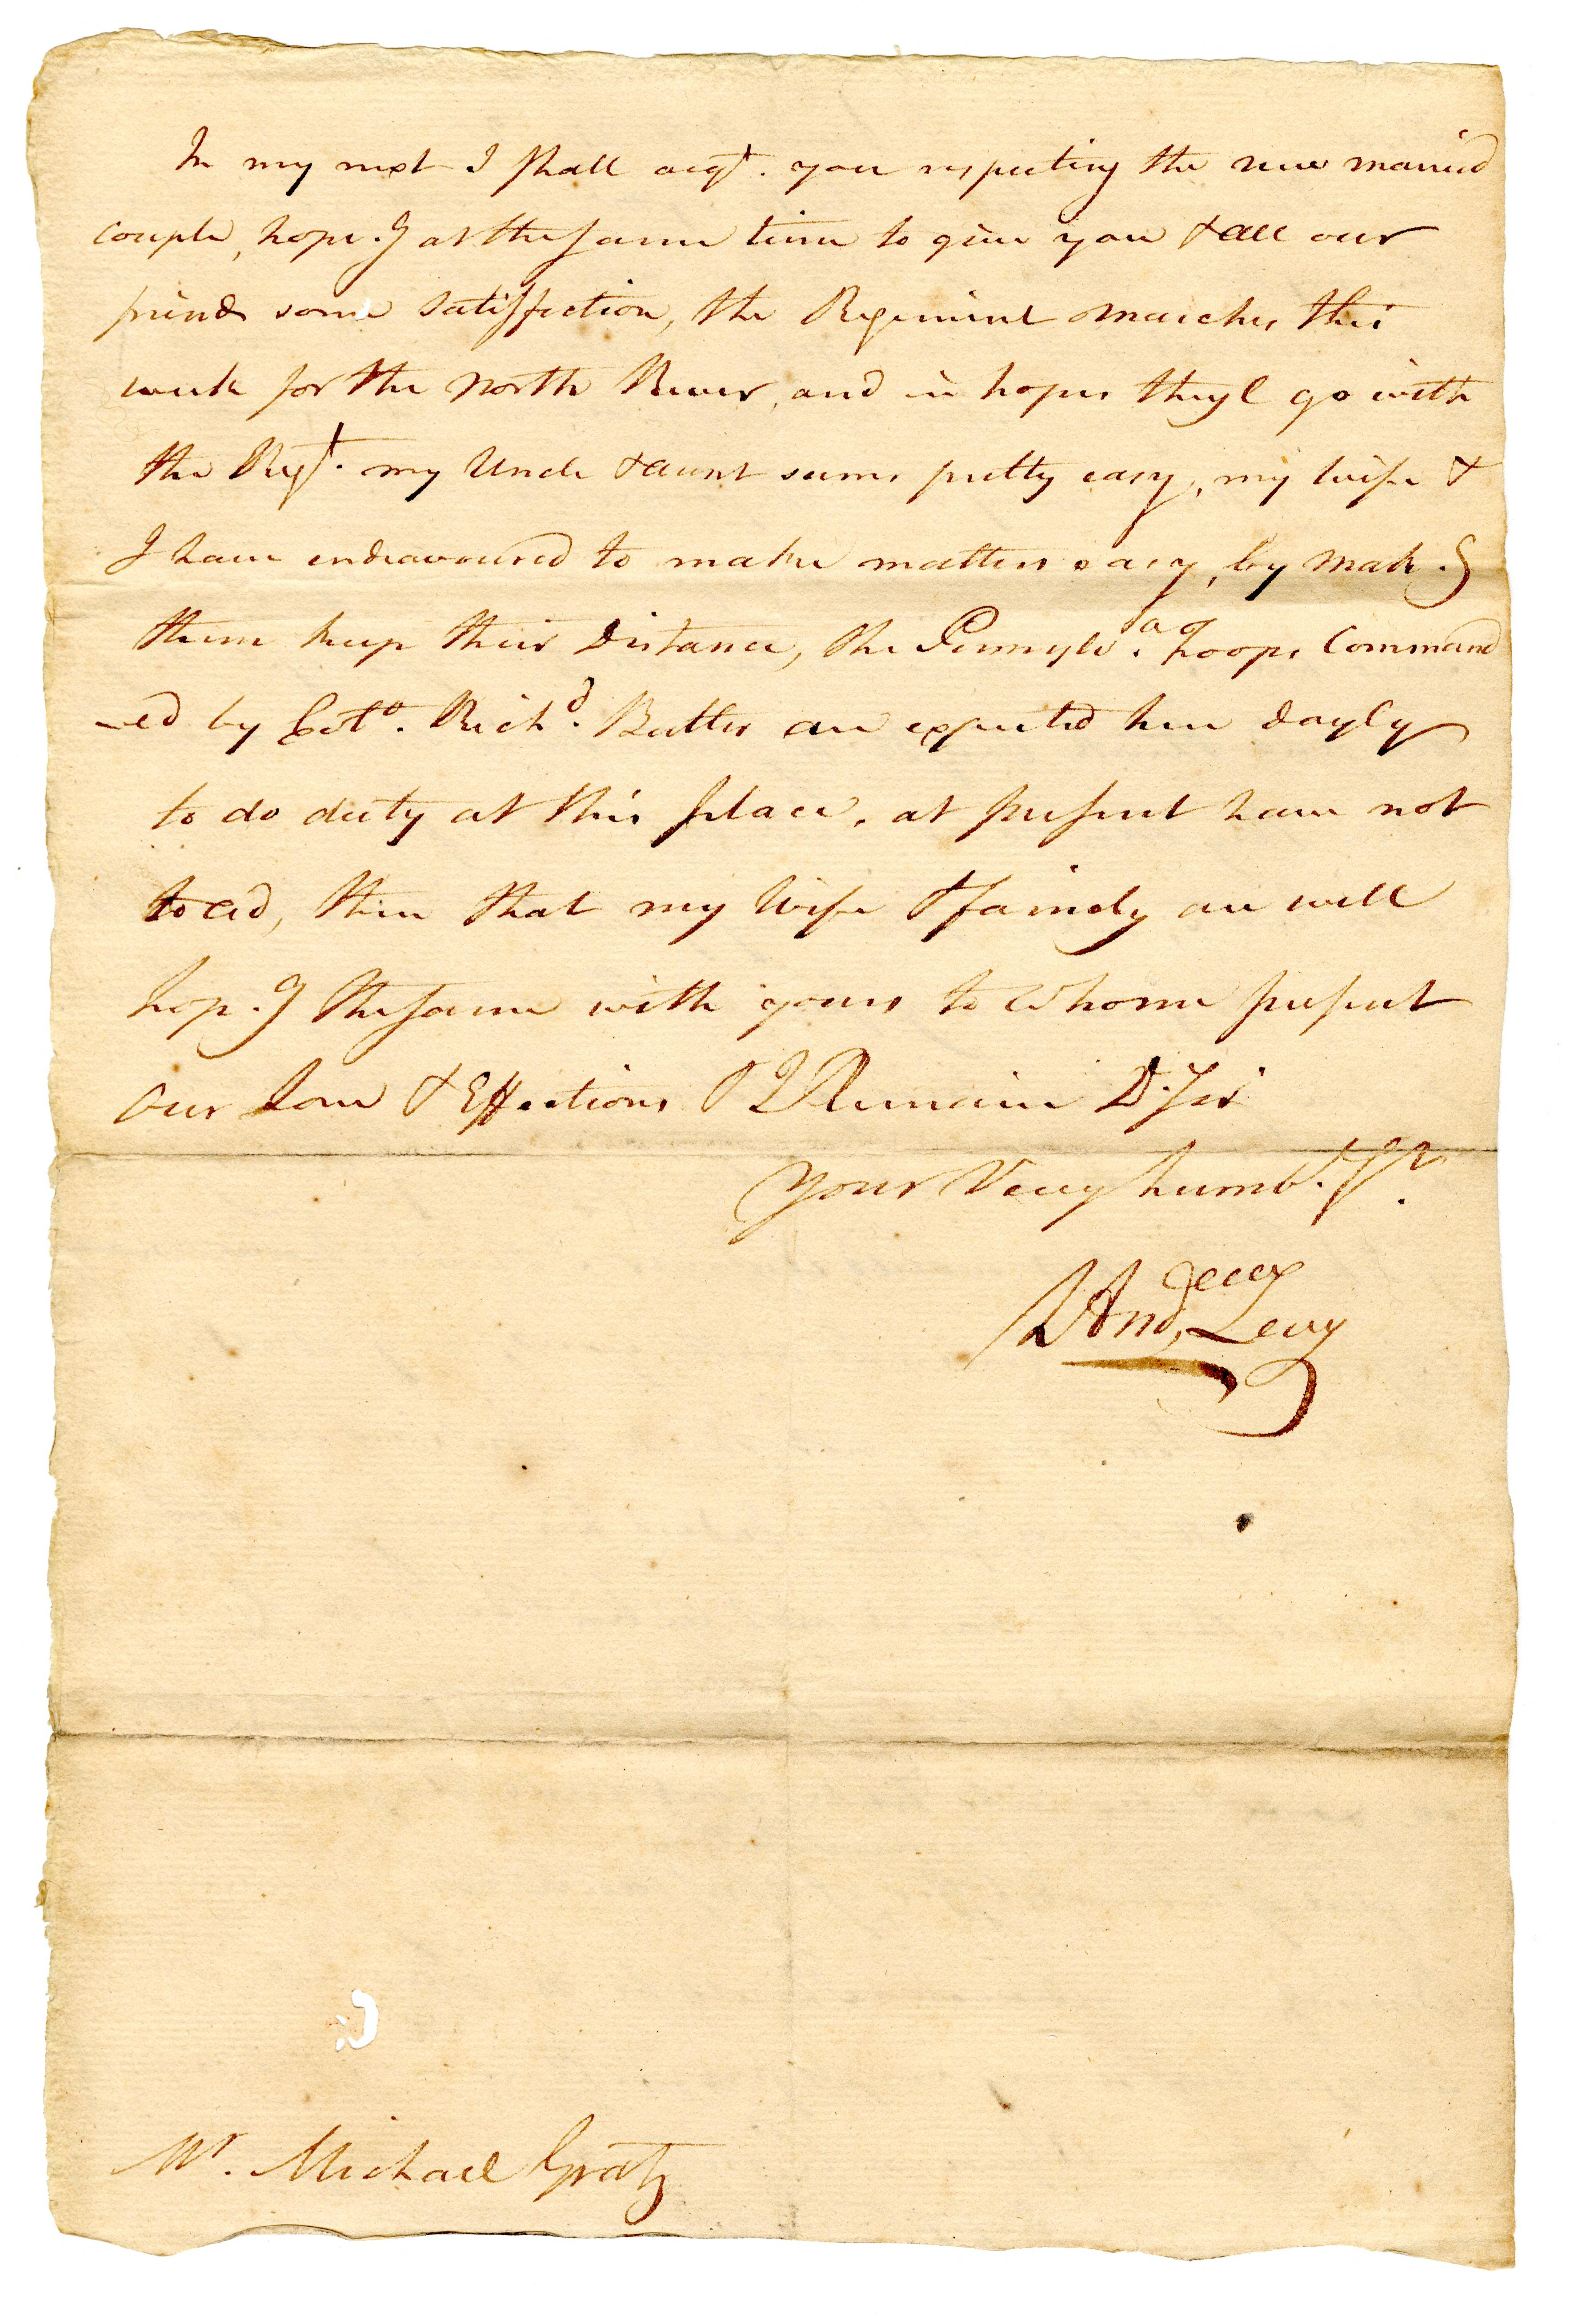In my next I shall acq^t. you respecting the new married
Couple, hope^g. at the same time to give you & all our
frind some satisfaction, the Regiment marches this
week for the North River, and in hopes theyl go with
the Reg^t. my Uncle & aunt seems pretty easy, my wife &
I have endeavoured to make matter easy, by mak.g
them keep their Distance, the Pennsylv^a. Troops Command-
-ed by Col^o. Rich^d. Butler are expected here dayly
to do duty at this place, at present have not
to ad, this that my Wife & family are well
hop.g the same with yours to whom present
our love & Effections & Remain D^r Sir
your Verey humb^l S^t.
And^rew Levy
M^r. Michael Gratz